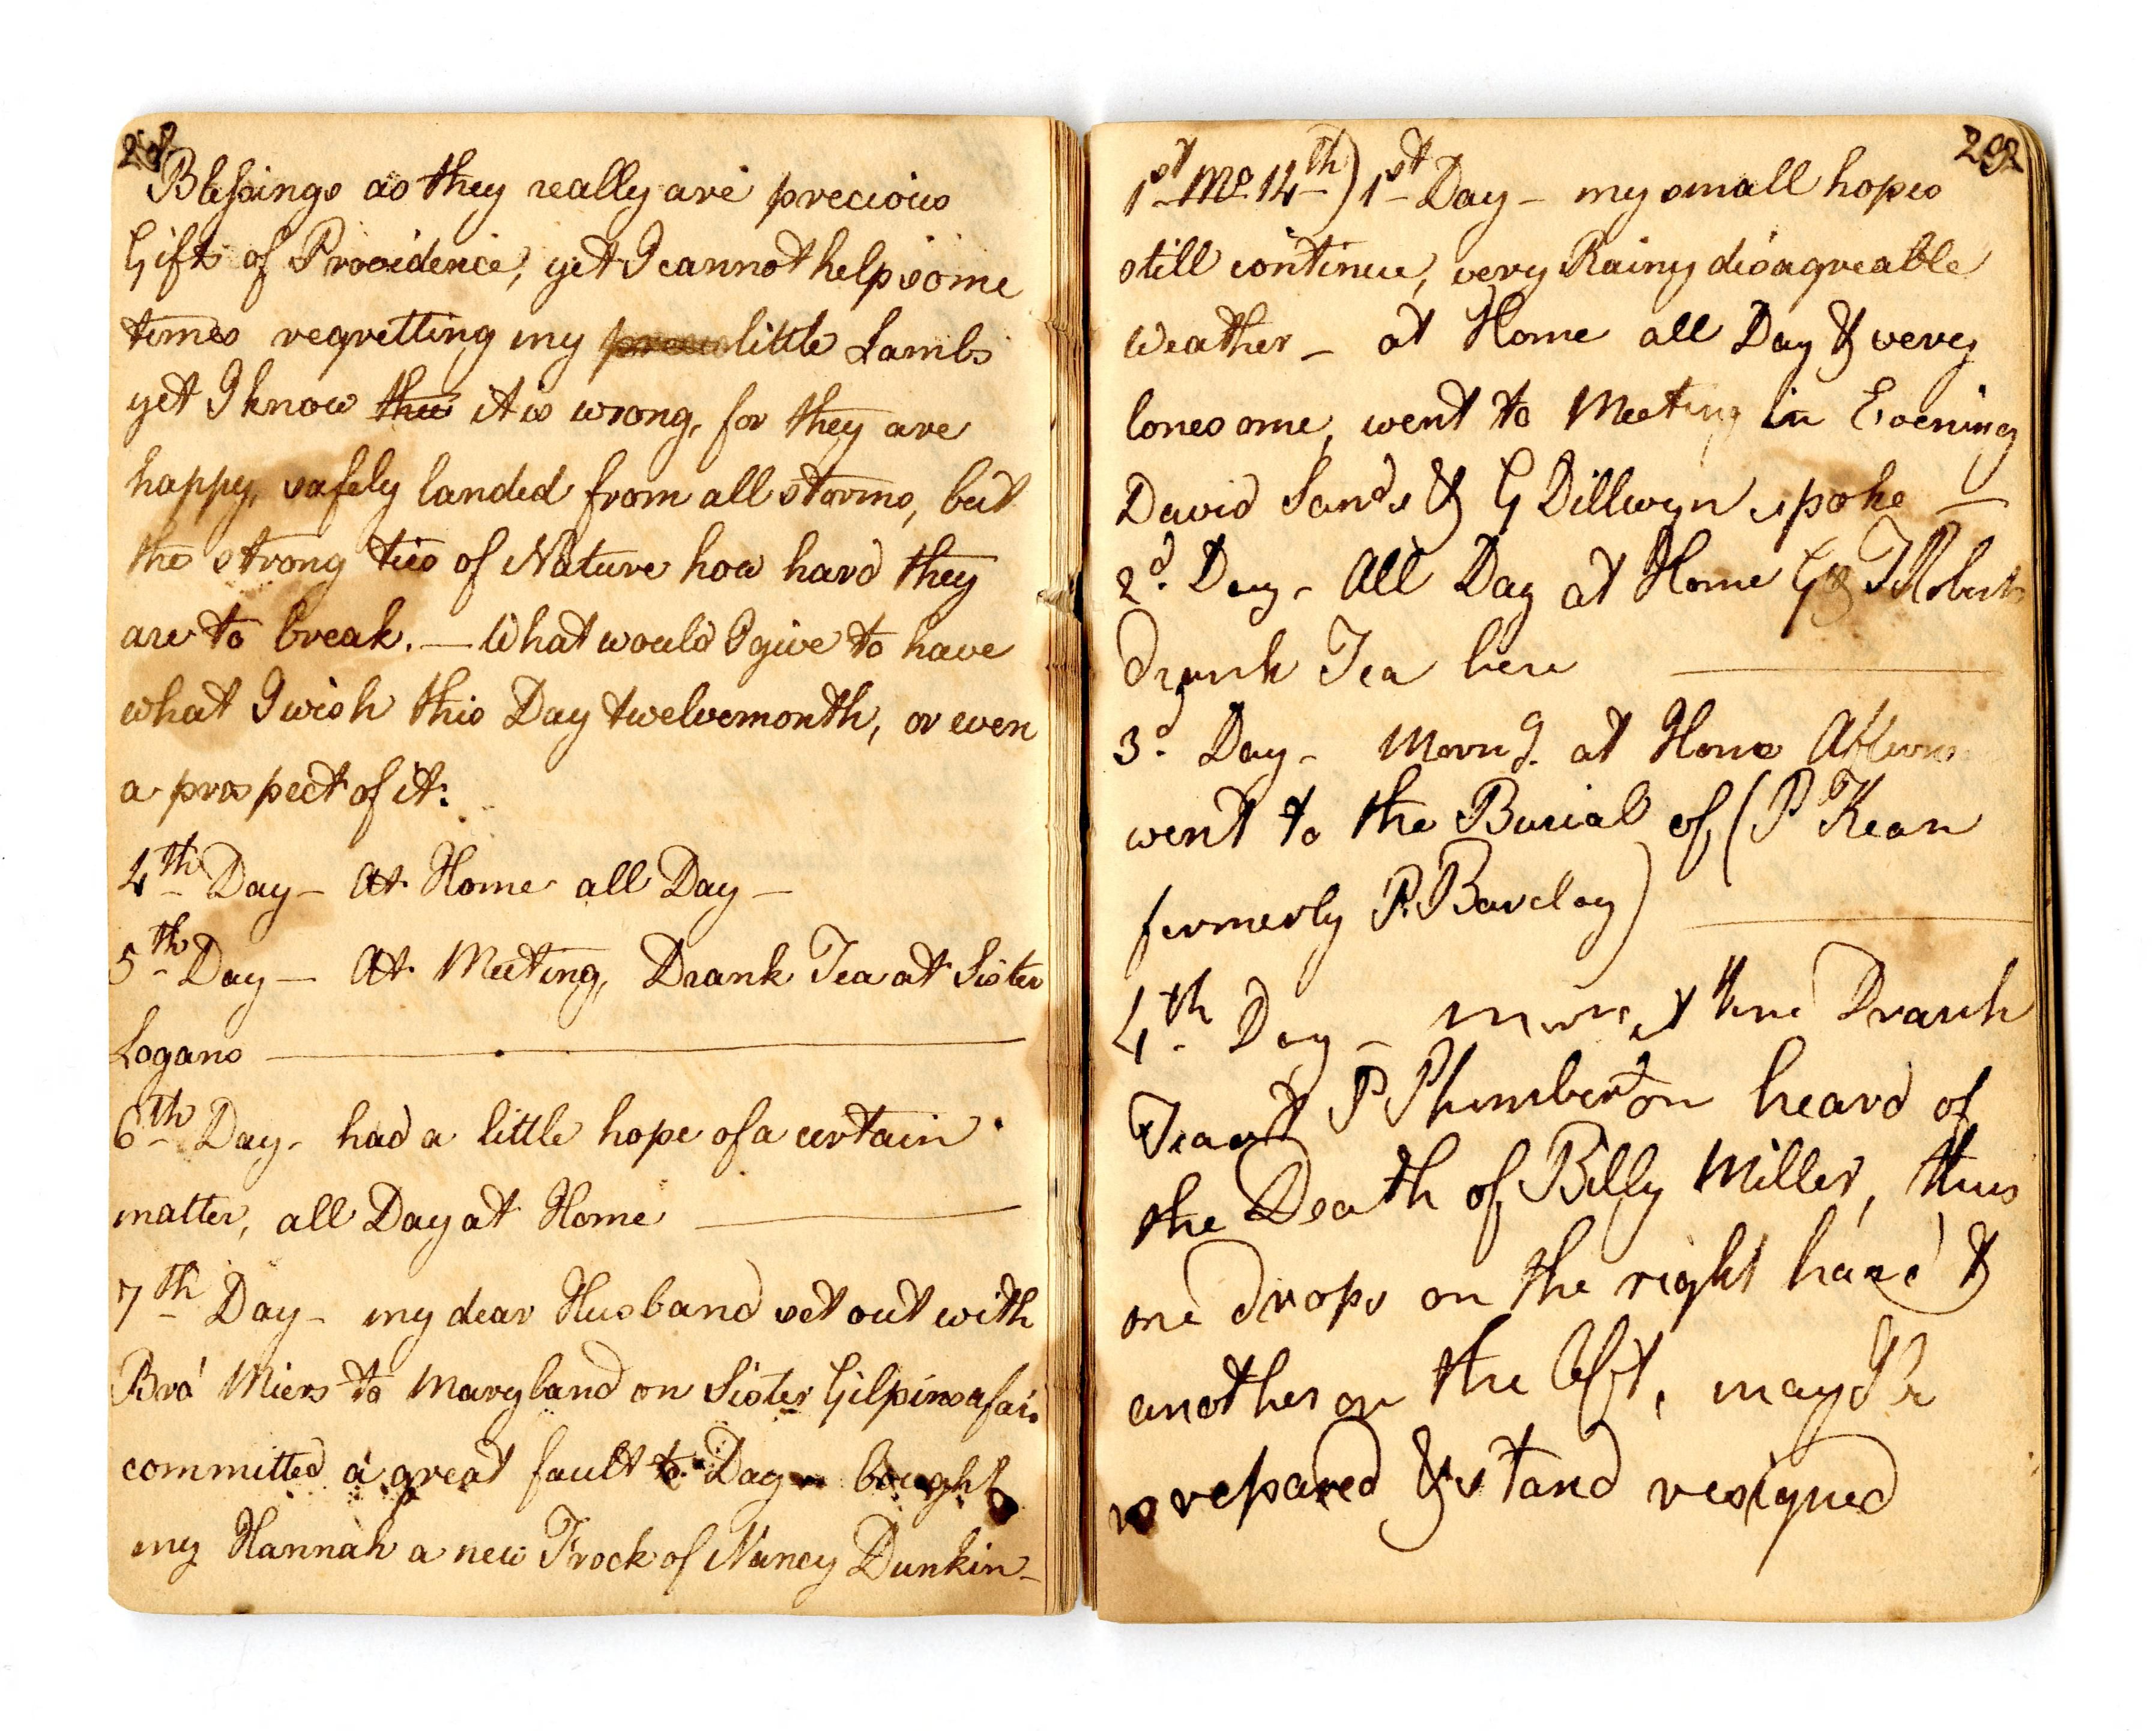Blessings as they really are precious
Gifts of Providence, yet I cannot help some
times regretting my [_____] little Lamb
yet I know [thee] it is wrong, for they are
happy, safely landed from all storms, but
the strong ties of Nature how hard they
are to break,- What would I give to have
what I wish this Day twelvemonth, or even
a prospect of it.
4^th Day- At Home all Day-
5^th Day- At Meeting, Drank Tea at Sister
Logans-
6^th Day- had a little hope of a certain
matter, all Day at Home-
7^th Day- my dear Husband set out with
Bro' Miers to Maryland on Sister Gilpins afair.
committed a great fault to Day- bought
my Hannah a new Frock of Nancy Dunkin-
1^st M^o 14^th) 1^st Day- my small hopes
still continue very Rainy disagreable
Weather- at Home all Day & very
lonesome, went to Meeting in Evening
David Sands & G Dillwyn spoke-
2^d Day- All Day at Home G & T Roberts
drank Tea here
3^d Day- Morn^g. at Home Afterno
went to the Burial of (P Kean
formerly P. Barclay)
4^th Day- [morn y time] Drank
Tea at P Plumberton heard of
the Death of Billy Miller, thus
one drops on the rights hand &
another on the left, may I be
prepared & stand resigned